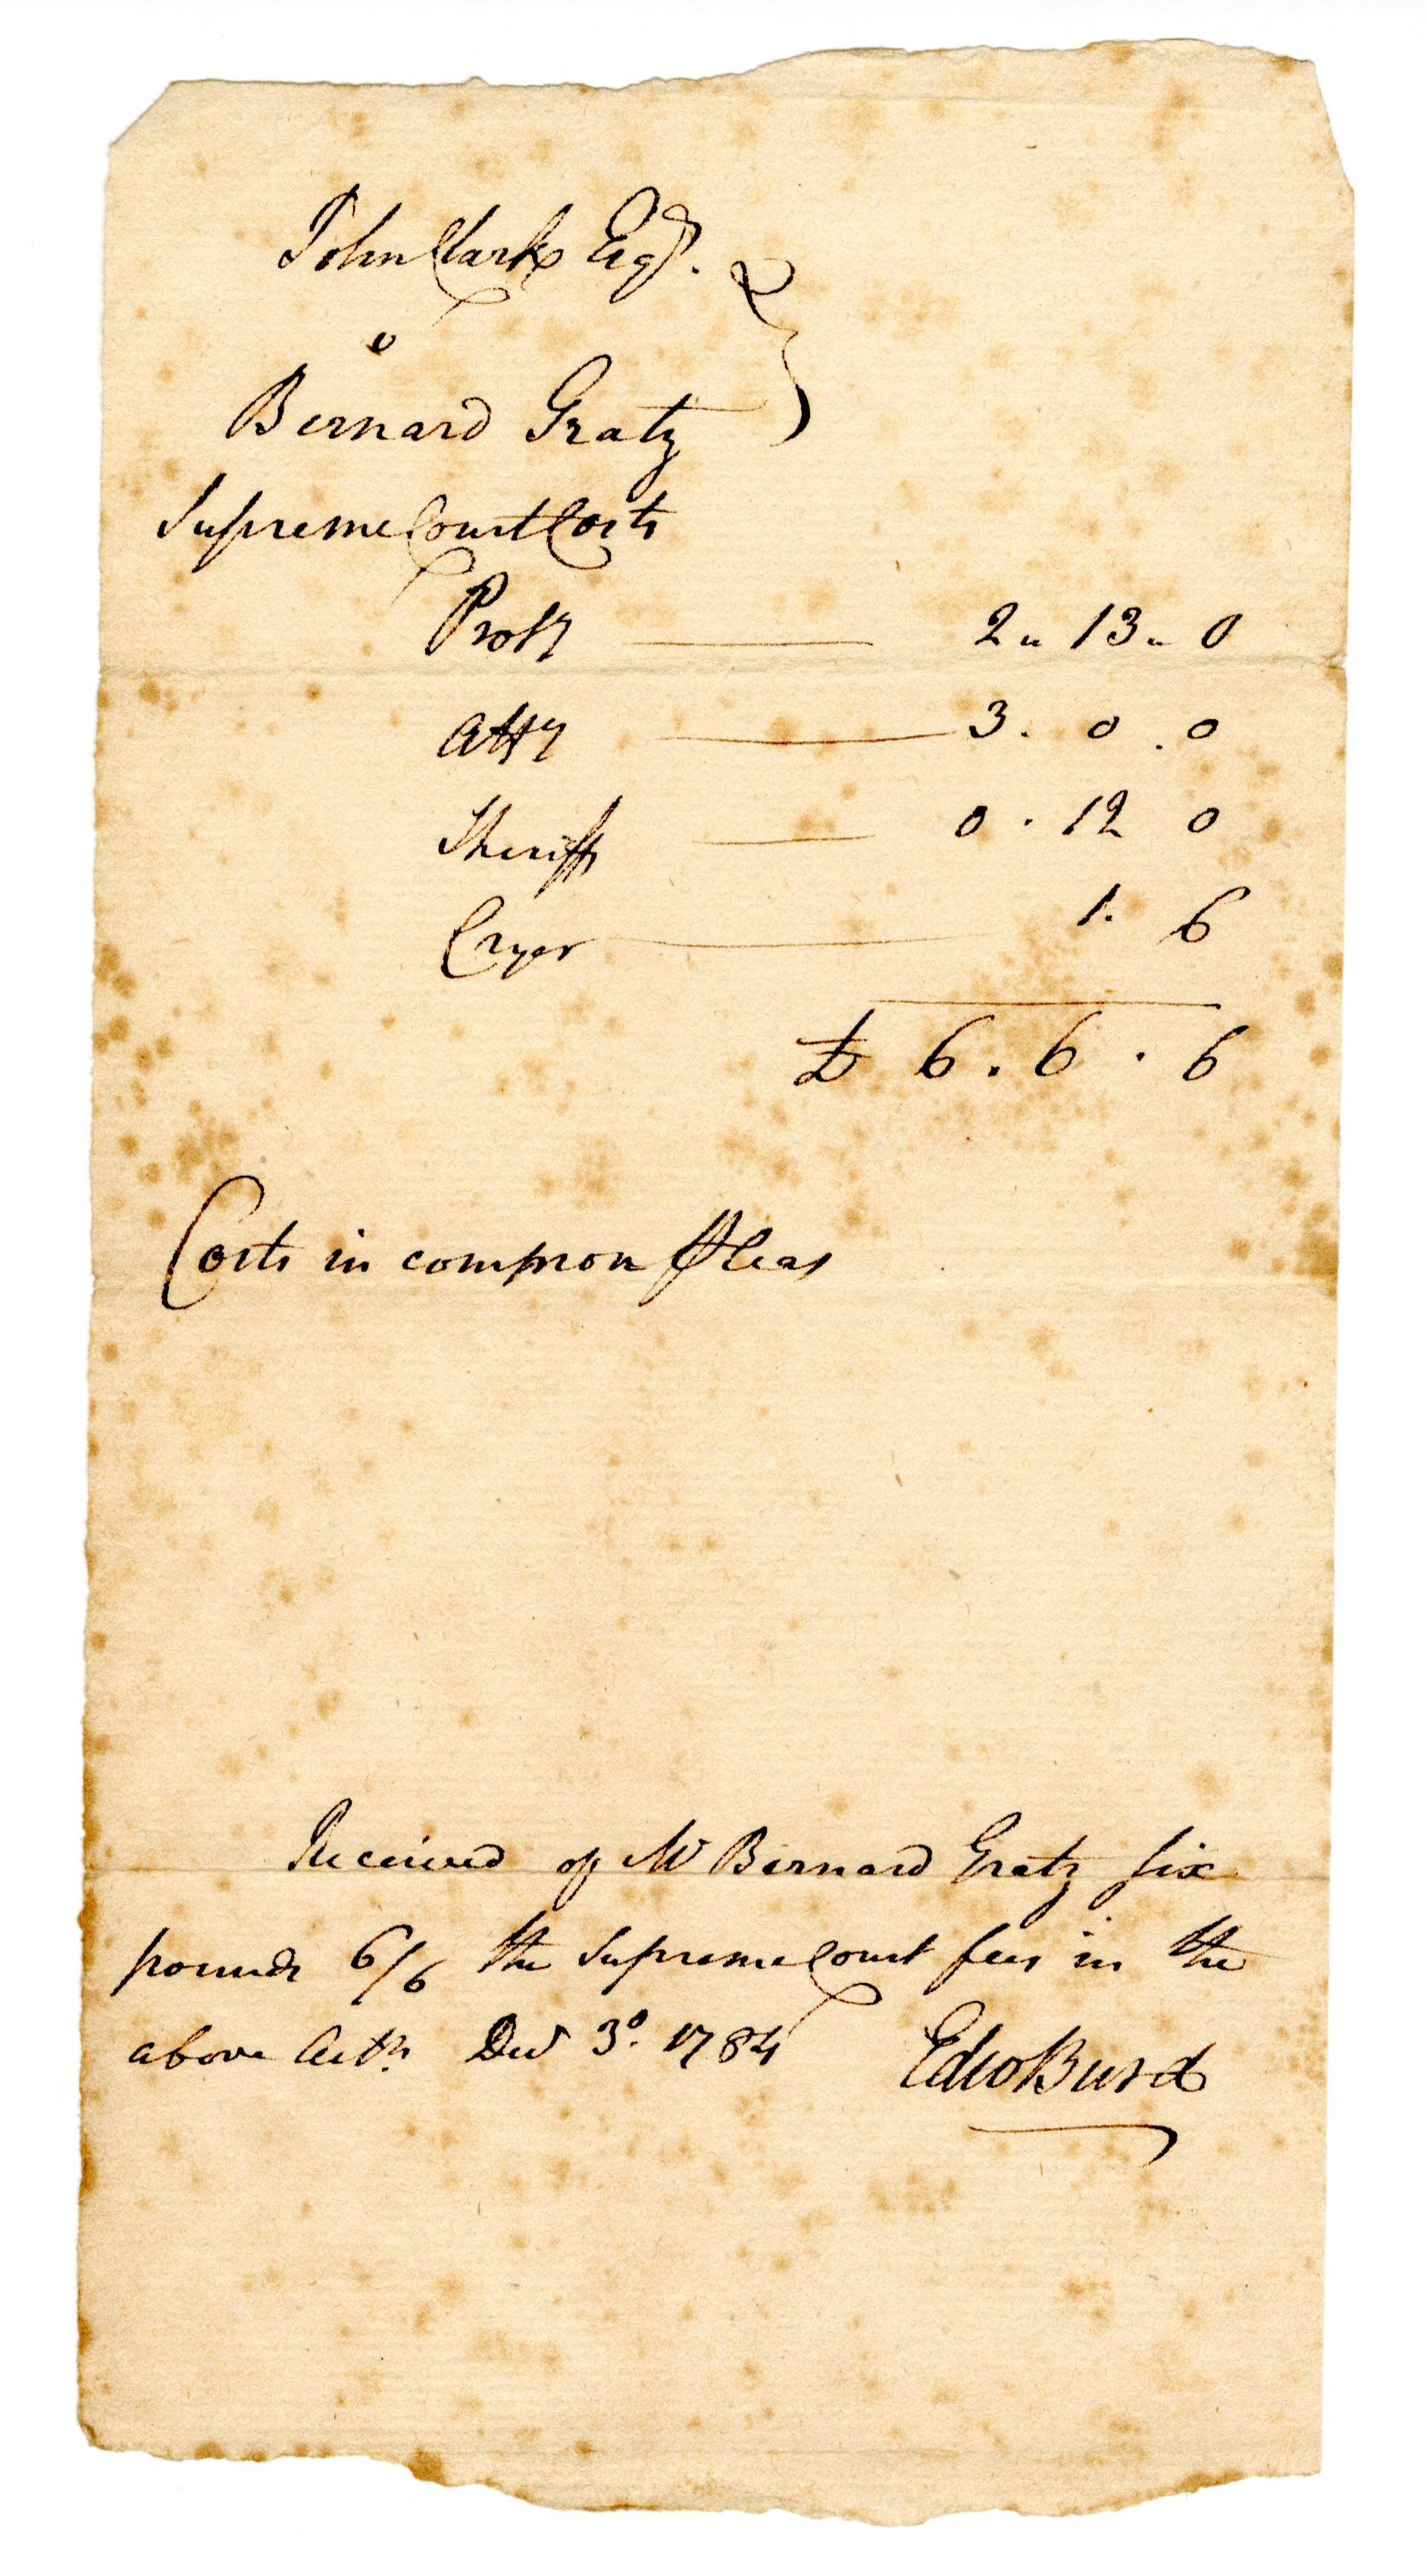John Clark Esq^r
Barnard Gratz
Supreme Court co^ty
Pross
2..13..0
Att^y
3.0.0
Sheriffs
0.12.0
Cryer
1.6
£6.6.6
Corts in common pleas
Received of M^r Barnard Gratz six
pounds 6s6 the Supreme court fees in the
above acco^ts Dec 3^d 1784
Edw Burd